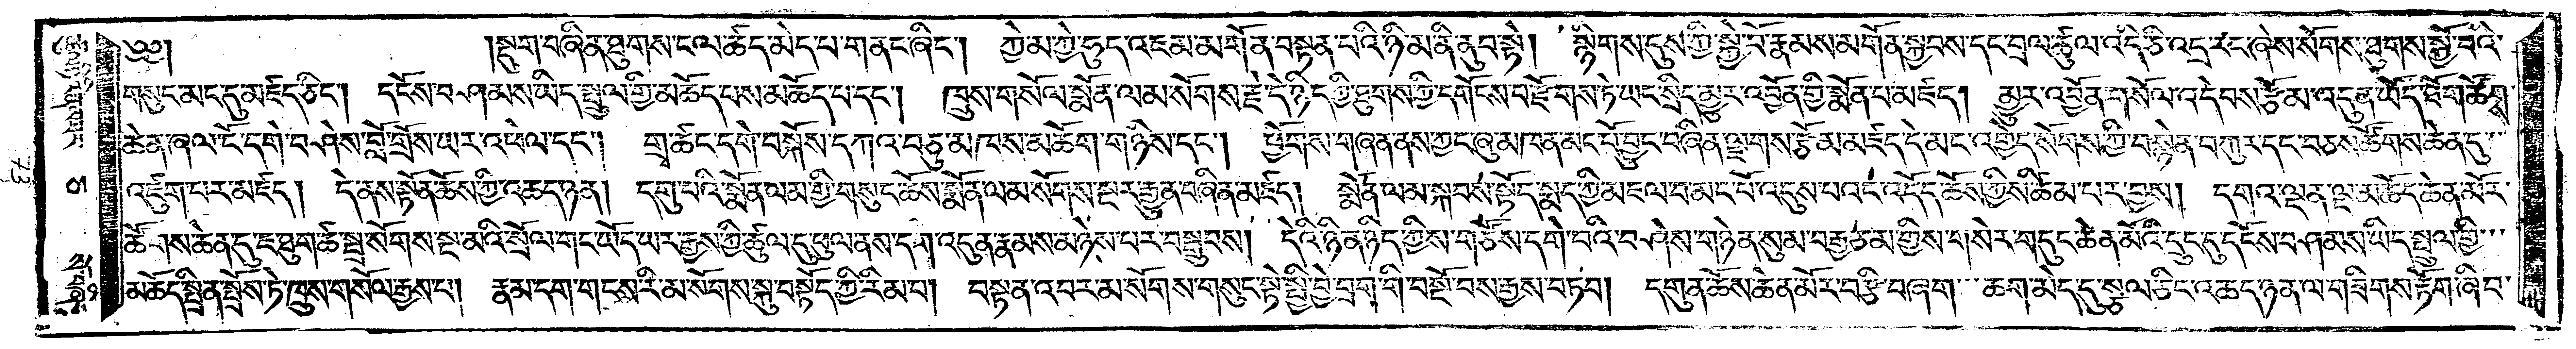༄༅། །སྡུག་བཞིན་ཐུགས་ངལ་ཆེད་མེད་པ་གནང་ཞིང་། ཀྱེ་མ་ཀྱེ་ཧུད་འཇམ་མགོན་བསྟན་པའི་ཉི་མན་ནུབ་སྟེ། སྙིགས་དུས་ཀྱི་སྐྱེ་བོ་རྣམས་མགོན་སྐྱབས་དང་བྲལ་ཚུལ་འདི་ཅི་འདྲ་རང་ཞེས་སོགས་ཐུགས་སྐྱོ་བའི་
གསུང་མང་དུ་མཛད་ཅིང་། དངོས་བཤམས་ཡིད་སྤྲུལ་གྱི་མཆོད་པས་མཆོད་པ་དང་། ཁྲུས་གསོལ་སྨོན་ལམ་སོགས་རྗེ་དེ་ཉིད་ཀྱི་ཐུགས་ཀྱི་དགོངས་པ་རྫོགས་ཏེ་ཡང་སྲིད་མྱུར་འབྱོན་གྱི་སྨོན་པ་མཛད། མྱུར་འབྱོན་གསོལ་འདེབས་རྩོམ་འདུན་ཡོད་ཐོག་ཚོགས་
ཆེན་ཞལ་ངོ་དགེ་བཤེས་བློ་གྲོས་ཡར་འཕེལ་དང་། གྲྭ་ཚང་དགེ་བསྐོས་དཀའ་བཅུ་མཁས་མཆོག་གཉིས་དང་། ཕྱོགས་གཞན་ནས་ཀྱང་ཞུ་མཁན་མང་པོ་བྱུང་བཞིན་ལྗགས་རྩོམ་མཛད་དེ་མང་འགྱེད་སོགས་ཀྱི་བསྙེན་བཀུར་དང་བཅས་ཚོགས་ཆེན་དུ་
འཛུག་བར་མཛད། དེ་ནས་སྟོན་ཆོས་ཀྱི་འཆད་ཉན། དགུ་བའི་སྨོན་ལམ་གྱི་གསུང་ཆོས་སྨོན་ལམ་སོགས་སྔར་རྒྱུན་བཞིན་མཛད། སྨོན་ལམ་སྐབས་སྟོད་སྨད་ཀྱི་མཇལ་བ་མང་པོ་འདུས་པའང་འདོད་ཆོས་ཀྱིས་ཚིམ་པར་བྱས། དགའ་ལྡན་ལྔ་མཆོད་ཆེན་མོར་
ཚོགས་ཆེན་དུ་ཇ་ཐུག་ཚ་སྦྲ་སོགས་སྔ་མའི་སྲོལ་གང་ཡོད་ཡར་རྒྱས་ཀྱི་ཚུལ་དུ་ཕུལ་ནས་དགེ་འདུན་རྣམས་མཉེས་པལ་བསྒྲུབས། དེའི་ཉིན་ཉིད་ཀྱིས་གཙོས་དགེ་བའི་བཤེས་གཉེན་སུམ་བརྒྱ་ཙམ་གྱིས་གསེར་གདུང་ཆེན་མོའི་དྲུང་དུ་དངོས་བཤམས་ཡིད་སྤྲུལ་གྱི་
མཆོད་སྤྲིན་སྤྲོས་ཏེ་ཁྲུས་གསོལ་རྒྱས་པ། རྣམ་དག་གངས་རི་མ་སོགས་སྐུ་བསྟོད་ཀྱི་རིམ་པ། བསྟན་འབར་མ་སོགས་གསུང་སྟེ་སྤྱི་བྱེ་བྲག་གི་བསྔོ་བས་རྒྱས་བཏབ། དགུན་ཆོས་ཆེན་མོར་བརྩི་བཞག་ཆག་མེད་དུ་སྩལ་ཅིང་འཆད་ཉན་ལ་གཟིགས་རྟོག་ཞིབ་